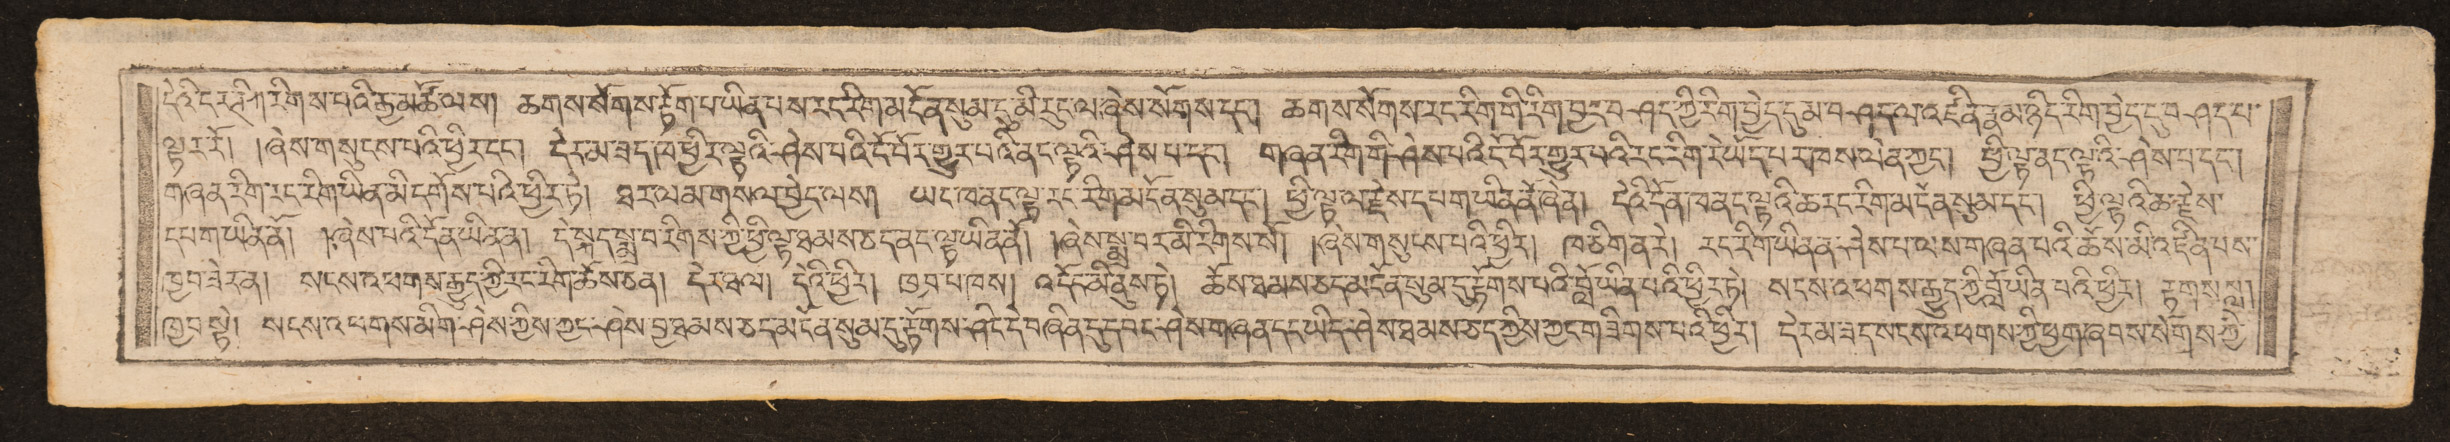དེའི་དར་ཊིཀ་རིགས་པའི་རྒྱ་མཚོ་ལས། ཆགས་སོགས་རྟོག་པ་ཡིན་པས་རང་རིག་མངོན་སུམ་དུ་མི་རུང་ལ་ཞེས་སོགས་དང་། ཆགས་སོགས་རང་རིག་གི་རིག་བྱར་བཤད་ཀྱི་རིག་བྱེད་དུ་མ་བཤད་ལ་འཛིན་རྣམ་ཉིད་རིག་བྱེད་དུ་བཤད་པ་
ལྟར་རོ། །ཞེས་གསུངས་པའི་ཕྱིར་དང་། དེར་མ་ཟད་ཁ་ཕྱིར་ལྟའི་ཤེས་པའི་ངོ་བོར་གྱུར་པའི་ནང་ལྟའི་ཤེས་པ་དང་། གཞན་རིག་གི་ཤེས་པའི་ངོ་བོར་གྱུར་པའི་རང་རིག་རེ་ཡོད་པར་ཁས་ལེན་ཀྱང་། ཕྱི་ལྟ་ནང་ལྟའི་ཤེས་པ་དང་།
གཞན་རིག་རང་རིག་ཡིན་མི་དགོས་པའི་ཕྱིར་ཏེ། ཐར་ལམ་གསལ་བྱེད་ལས། ཡང་ཁ་ནང་ལྟ་རང་རིག་མངོན་སུམ་དང་། ཕྱི་ལྟ་ལ་རྗེས་དཔག་ཡིན་ནོ་ཞེ་ན། དེའི་དོན་ཁ་ནང་ལྟའི་ཆ་རང་རིག་མངོན་སུམ་དང་། ཕྱི་ལྟའི་ཆ་རྗེས་
དཔག་ཡིན་ནོ། །ཞེས་པའི་དོན་ཡིན་ན། དེ་སྐད་སྨྲ་བ་རིགས་ཀྱི་ཕྱི་ལྟ་ཐམས་ཅད་ནང་ལྟ་ཡིན་ནོ། །ཞེས་སྨྲ་བར་མི་རིགས་སོ། །ཞེས་གསུངས་པའི་ཕྱིར། ཁ་ཅིག་ན་རེ། རང་རིག་ཡིན་ན་ཤེས་པ་ལས་གཞན་པའི་ཆོས་མི་འཛིན་པས་
ཁྱབ་ཟེར་ན། སངས་འཕགས་རྒྱུད་ཀྱི་རང་རིག་ཆོས་ཅན། དེར་ཐལ། དེའི་ཕྱིར། ཁྱབ་པ་ཁས། འདོད་མི་ནུས་ཏེ། ཆོས་ཐམས་ཅད་མངོན་སུམ་དུ་རྟོགས་པའི་བློ་ཡིན་པའི་ཕྱིར་ཏེ། སངས་འཕགས་རྒྱུད་ཀྱི་བློ་ཡིན་པའི་ཕྱིར། རྟགས་སླ།
ཁྱབ་སྟེ། སངས་འཕགས་མིག་ཤེས་ཀྱིས་ཀྱང་ཤེས་བྱ་ཐམས་ཅད་མངོན་སུམ་དུ་རྟོགས་ཤིང་དེ་བཞིན་དུ་དབང་ཤེས་གཞན་དང་ཡིད་ཤེས་ཐམས་ཅད་ཀྱིས་ཀྱང་གཟིགས་པའི་ཕྱིར། དེར་མ་ཟད་སངས་འཕགས་ཀྱི་ཕྱག་ཞབས་སོགས་ཀྱི་